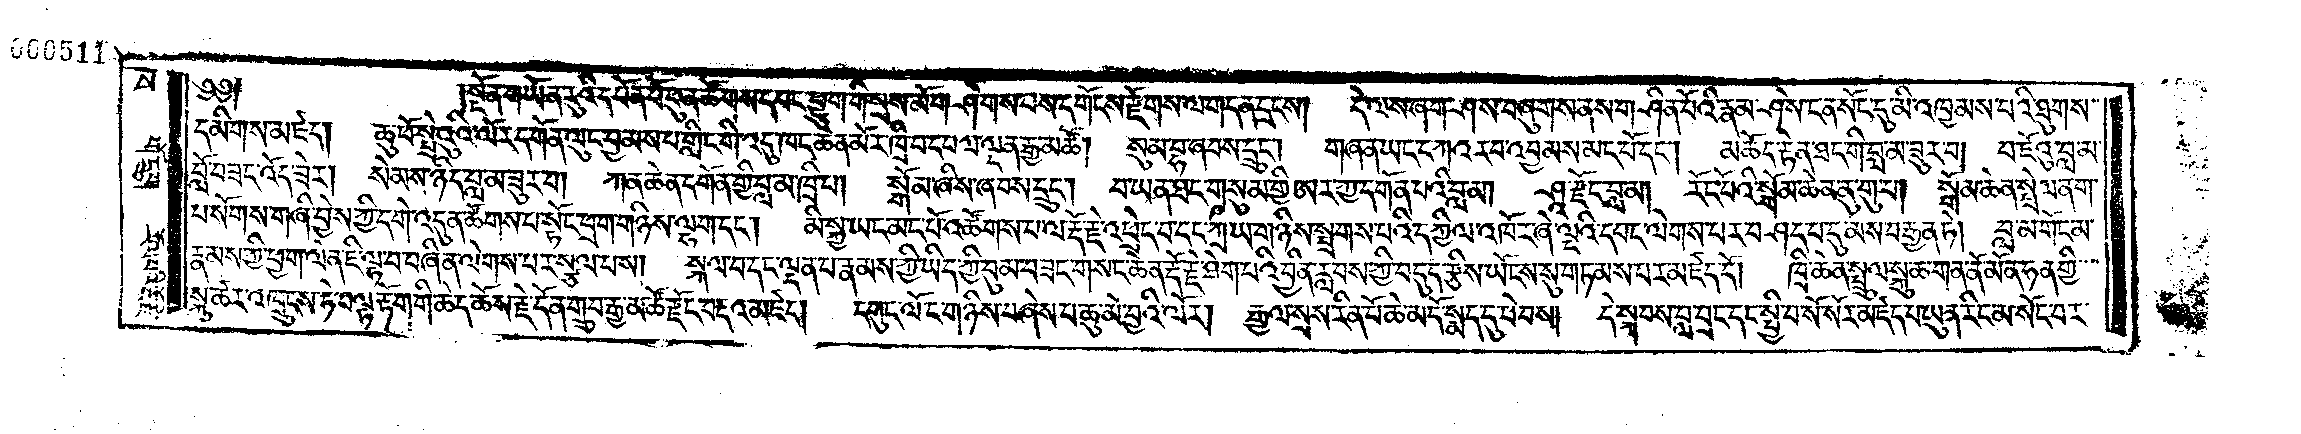༄༅། །སྔོན་གཡོན་རུའི་དཔོན་པོ་ཕུན་ཚོགས་དབང་ཕྱུག་གི་སྲས་མོ་གཤེགས་པས་དགོངས་རྫོགས་ལ་གདན་དྲངས། དེ་ལས་ཞག་ཤས་བཞུགས་ནས་གཤིན་པོའི་རྣམ་ཤེས་ངན་སོང་དུ་མི་འཁྱམས་པའི་ཐུགས་
དམིགས་མཛད། ཆུ་ཕོ་སྤྲེའུའི་ལོར་དགོན་ལུང་བྱམས་པ་གླིང་གི་འདུ་ཁང་ཆེན་མོར་ཁྲི་པ་དཔལ་ལྡན་རྒྱ་མཚོ། སུམ་བྷ་ཞབས་དྲུང་། གཞན་ཡང་དཀའ་རབ་འབྱམས་མང་པོ་དང་། མཆོད་རྟེན་ཐང་གི་བླ་མ་ཟུར་བ། བ་ཇོའུ་བླ་མ་
བློ་བཟང་འོད་ཟེར། སེམས་ཉིད་བླ་མ་ཟུར་པ། ཀན་ཆེན་དགོན་གྱི་བླ་མ་ཁྲི་པ། སྒོམ་ཞིས་ཞབས་དྲུང་། བ་ཡན་ཐང་གསུམ་གྱི་ཨར་ཀྱ་དགོན་པའི་བླ་མ། ཤཱ་རྫོང་བླ་མ། རོང་པོའི་སྒོམ་ཆེན་ནུ་གུ་པ། སྒོམ་ཆེན་སྤྲེལ་ནག་
པ་སོགས་གཞི་བྱེས་ཀྱི་དགེ་འདུན་ཚོགས་པ་སྟོང་ཕྲག་གཉིས་ལྷག་དང་། མི་སྐྱ་ཡང་མང་པོ་འཚོགས་པ་ལ་རྡོ་རྗེ་འཕྲེང་བ་དང་ཀྲྀ་ཡ་གཉིས་སྤྲགས་པའི་དཀྱིལ་འཁོར་ཞེ་ལྔའི་དབང་ལེགས་པར་བཤད་པ་དུ་མས་བརྒྱན་ཏེ། བླ་མ་གོང་མ་
རྣམས་ཀྱི་ཕྱག་ལེན་ཇི་ལྟ་བ་བཞིན་ལེགས་པར་སྩལ་པས། སྐལ་བ་དང་ལྡན་པ་རྣམས་ཀྱི་ཡིད་ཀྱི་བུམ་བཟང་གསང་ཆེན་རྡོ་རྗེ་ཐེག་པའི་བྱིན་རླབས་ཀྱི་བདུད་རྩིས་ཡོངས་སུ་གཏམས་པར་མཛད་དོ། ཁྲི་ཆེན་སྤྲུལ་སྐུ་ཆ་གན་ནོ་མོན་ཧན་གྱི་
སྐུ་ཚར་འཁྲུངས་ཏེ་བལྟ་རྟོག་གི་ཆེད་ཆོས་རྗེ་དོན་གྲུབ་རྒྱ་མཚོ་རྫོང་བརྡའ་མཛད། དགུང་ལོ་ང་གཉིས་བཞེས་པ་ཆུ་མོ་བྱའི་ལོར། རྒྱལ་སྲས་རིན་པོ་ཆེ་མདོ་སྨད་དུ་ཕེབས། དེ་སྐབས་བླ་བྲང་དང་སྤྱི་བ་སོ་སོར་མཛད་པ་ཡུན་རིང་མ་སོང་བར་